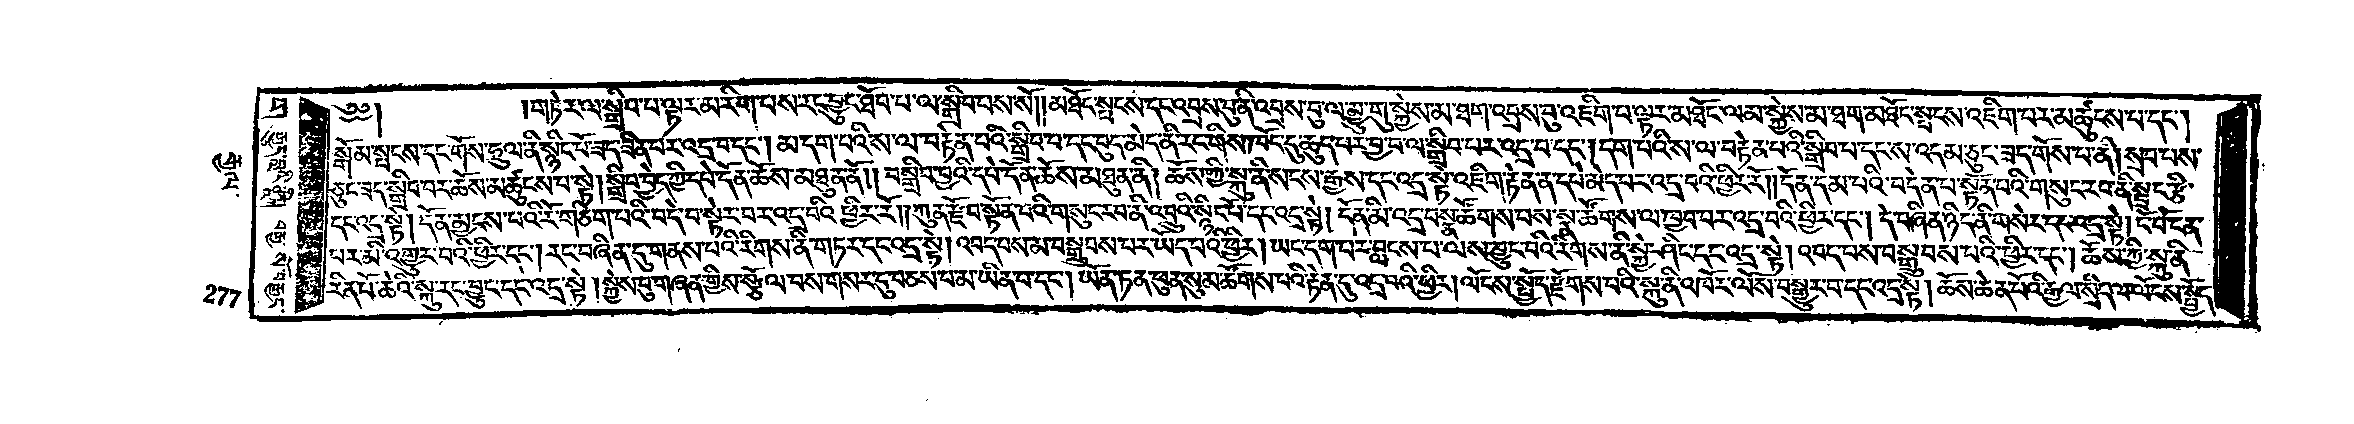༄༅། །གཏེར་ལ་སྒྲིབ་པ་ལྟར་མ་རིག་པས་རང་བྱུང་ཐོབ་པ་ལ་སྒྲིབ་པས་སོ། །མཐོང་སྤངས་དང་འབྲས་བུ་ནི་འབྲས་བུ་ལ་མྱུ་གུ་སྐྱེས་མ་ཐག་འབྲས་བུ་འཇིག་པ་ལྟར་མཐོང་ལམ་སྐྱེས་མ་ཐག་མཐོང་སྤངས་འཇིག་པར་མཚུངས་པ་དང་།
སྒོམ་སྤངས་དང་གོས་ཧྲུལ་ནི་སྙིང་པོ་ཟད་ཟིན་པར་འདྲ་བ་དང་། མ་དག་པའི་ས་ལ་བརྟེན་པའི་སྒྲིབ་པ་དང་བུད་མེད་ནི་རང་གིས་ཁོང་དུ་ཆུད་པར་བྱ་བ་ལ་སྒྲིབ་པར་འདྲ་བ་དང་། དག་པའི་ས་ལ་བརྟེན་པའི་སྒྲིབ་པ་དང་ས་འདམ་ཅུང་ཟད་གོས་པ་ནི། སྲབ་པས་
ཅུང་ཟད་སྒྲིབ་པར་ཆོས་མཚུངས་པ་སྟེ། སྒྲིབ་བྱེད་ཀྱི་དཔེ་དོན་ཆོས་མཐུན་ནོ། །བསྒྲིབ་བྱའི་དཔེ་དོན་ཆོས་མཐུན་ནི། ཆོས་ཀྱི་སྐུ་ནི་སངས་རྒྱས་དང་འདྲ་སྟེ་འཇིག་རྟེན་ན་དཔེ་མེད་པར་འདྲ་བའི་ཕྱིར་རོ། །དོན་དམ་པའི་བདེན་པ་སྟོན་པའི་གསུང་རབ་ནི་སྦྲང་རྩི་
དང་འདྲ་སྟེ། དོན་མྱངས་པའི་རོ་གཅིག་པའི་བདེ་བ་སྟེར་པར་འདྲ་བའི་ཕྱིར་རོ། །ཀུན་རྫོབ་སྟོན་པའི་གསུང་རབ་ནི་འབྲུའི་སྙིང་པོ་དང་འདྲ་སྟེ། དོན་མི་འདྲ་བ་སྣ་ཚོགས་པས་སྣ་ཚོགས་ལ་ཁྱབ་པར་འདྲ་བའི་ཕྱིར་དང་། དེ་བཞིན་ཉིད་ནི་གསེར་དང་འདྲ་སྟེ། ངོ་བོར་ངན་
པར་མི་འགྱུར་བའི་ཕྱིར་དང་། རང་བཞིན་དུ་གནས་པའི་རིགས་ནི་གཏར་དང་འདྲ་སྟེ། འབད་པས་མ་བསྒྲུབས་པར་ཡོད་པའི་ཕྱིར། ཡང་དག་པར་བླངས་པ་ལས་བྱུང་བའི་རིགས་ནི་སྐྱེ་ཤིང་དང་འདྲ་སྟེ། འབད་པས་བསྒྲུབས་པའི་ཕྱིར་དང་། ཆོས་ཀྱི་སྐུ་ནི་
རིན་པོ་ཆེའི་སྐུ་རང་བྱུང་དང་འདྲ་སྟེ། སྐྱེས་བུ་གཞན་གྱིས་སྩོལ་བས་གསར་དུ་བཅས་པ་མ་ཡིན་པ་དང་། ཡོན་ཏན་ཕུན་སུམ་ཚོགས་པའི་རྟེན་དུ་འདྲ་བའི་ཕྱིར། ལོངས་སྤྱོད་རྫོགས་པའི་སྐུ་ནི་འཁོར་ལོས་བསྒྱུར་བ་དང་འདྲ་སྟེ། ཆོས་ཆེན་པོའི་རྒྱལ་སྲིད་ལ་ལོངས་སྤྱོད་